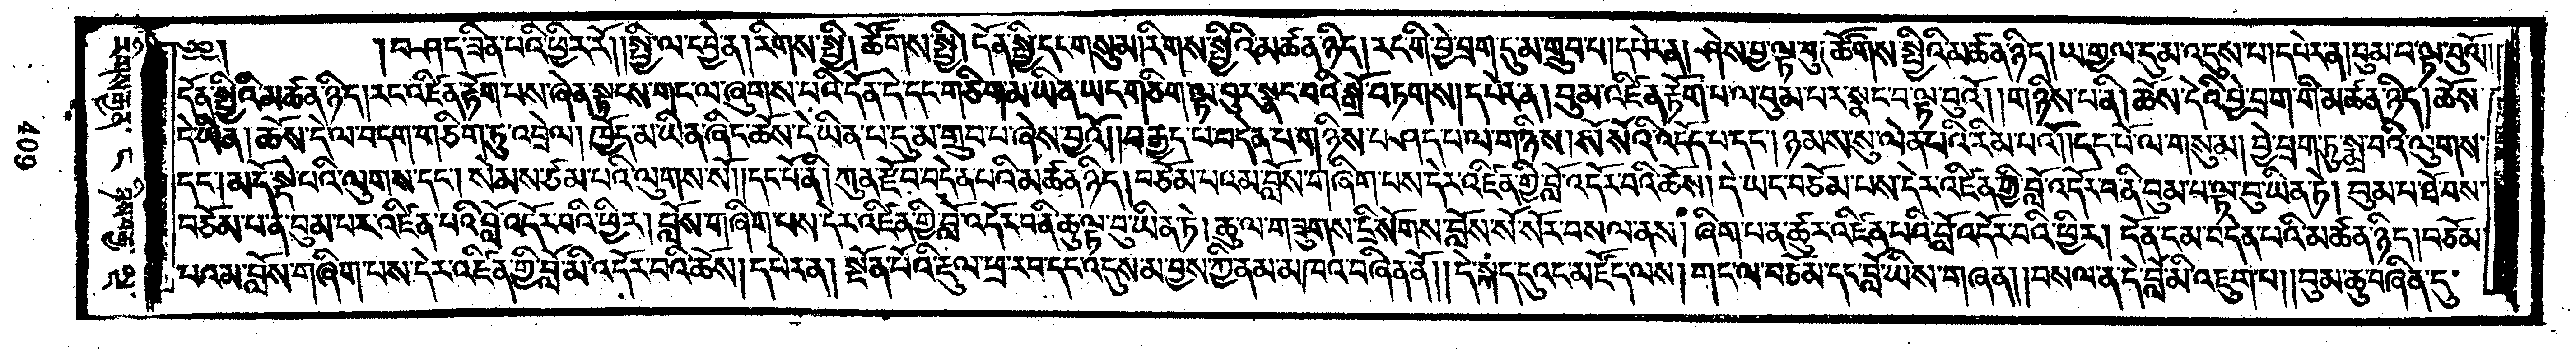༄༅། །བཤད་ཟིན་པའི་ཕྱིར་རོ། །སྤྱི་ལ་དབྱེ་ན། རིགས་སྤྱི། ཚོགས་སྤྱི། དོན་སྤྱི་དང་གསུམ། རིགས་སྤྱིའི་མཚན་ཉིད། རང་གི་བྱེ་བྲག་དུ་མ་གྲུབ་པ། དཔེར་ན། ཤེས་བྱ་ལྟ་བུ། ཚོགས་སྤྱིའི་མཚན་ཉིད། ཡ་གྱལ་དུ་མ་འདུས་པ། དཔེར་ན། བུམ་པ་ལྟ་བུའོ། །
དོན་སྤྱི་མཚན་ཉིད། རང་འཛིན་རྟོག་པས་ཞེན་སྟངས་གང་ལ་ཞུགས་པའི་དོན་དེ་དང་གཅིག་མ་ཡིན་ཡང་གཅིག་ལྟ་བུར་སྣང་བའི་སྒྲོ་བཏགས། དཔེར་ན། བུམ་འཛིན་རྟོག་པ་ལ་བུམ་པར་སྣང་བ་ལྟ་བུའོ། །གཉིས་པ་ནི། ཆོས་དེའི་བྱེ་བྲག་གི་མཚན་ཉིད། ཆོས་
དེ་ཡིན། ཆོས་དེ་ལ་བདག་གཅིག་ཏུ་འབྲེལ། ཁྱོད་མ་ཡིན་ཞིང་ཆོས་དེ་ཡིན་པ་དུ་མ་གྲུབ་པ་ཞེས་བྱའོ། །བརྒྱད་པ་བདེན་པ་གཉིས་བཤད་པ་ལ་གཉིས། སོ་སོའི་འདོད་པ་དང་། ཉམས་སུ་ལེན་པའི་རིམ་པའོ། །དང་པོ་ལ་གསུམ། བྱེ་བྲག་ཏུ་སྨྲ་བའི་ལུགས་
དང་། མདོ་སྡེ་པའི་ལུགས་དང་། སེམས་ཙམ་པའི་ལུགས་སོ། །དང་པོ་ནི། ཀུན་རྫོབ་བདེན་པའི་མཚན་ཉིད། བཅོམ་པའམ་བློས་གཞིག་པས་དེར་འཛིན་གྱི་བློ་འདོར་བའི་ཆོས། དེ་ཡང་བཅོམ་པས་དེར་འཛིན་གྱི་བློ་འདོར་བ་ནི་བུམ་པ་ལྟ་བུ་ཡིན་ཏེ། བུམ་པ་ཐོ་བས་
བཅོམ་པ་ན་བུམ་པར་འཛིན་པའི་བློ་འདོར་བའི་ཕྱིར། བློས་གཞིག་པས་དེར་འཛིན་གྱི་བློ་འདོར་བ་ནི་ཆུ་ལྟ་བུ་ཡིན་ཏེ། ཆུ་ལ་གཟུགས་དྲི་སོགས་བློས་སོ་སོར་བསལ་ནས། ཞིག་པ་ན་ཆུར་འཛིན་པའི་བློ་འདོར་བའི་ཕྱིར། དོན་དམ་བདེན་པའི་མཚན་ཉིད། བཅོམ་
པའམ་བློས་གཞིག་པས་དེར་འཛིན་གྱི་བློ་མི་འདོར་བའི་ཆོས། དཔེར་ན། སྔོན་པོའི་རྡུལ་ཕྲ་རབ་དང་འདུས་མ་བྱས་ཀྱི་ནམ་མཁའ་བཞིན་ནོ། །དེ་སྐད་དུའང་མཛོད་ལས། གང་ལ་བཅོམ་དང་བློ་ཡིས་གཞན། །བསལ་ན་དེ་བློ་མི་འཇུག་པ། །བུམ་ཆུ་བཞིན་དུ་